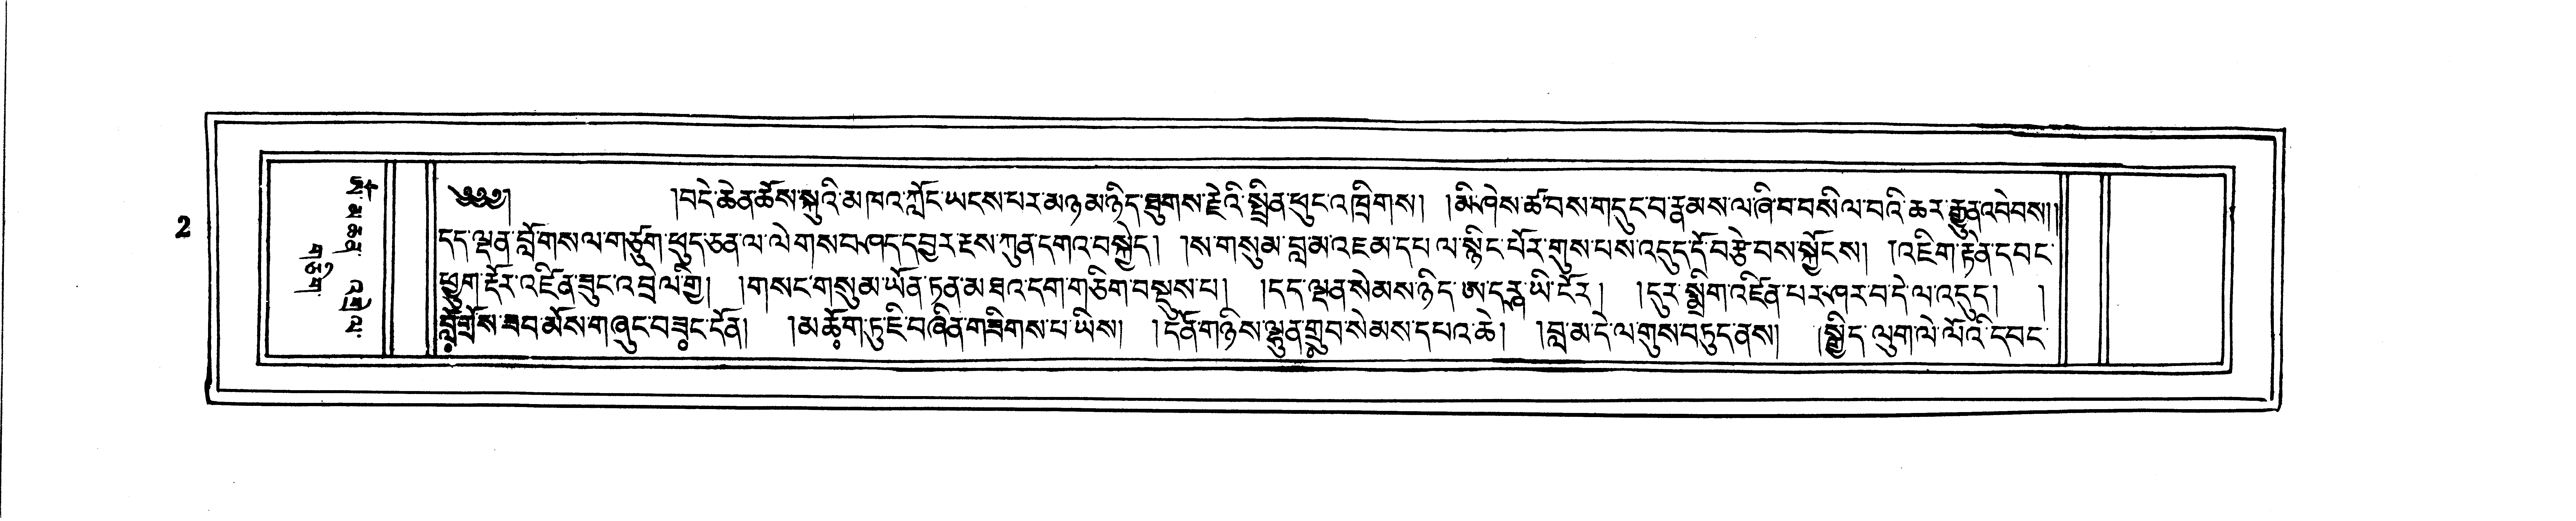༄༅༅། །བདེ་ཆེན་ཆོས་སྐུའི་མཁའ་ཀློང་ཡངས་པར་མཉམ་ཉིད་ཐུགས་རྗེའི་སྤྲིན་ཕུང་འཁྲིགས། །མི་ཤེས་ཚ་བས་གདུང་བ་རྣམས་ལ་ཞི་བ་བསིལ་བའི་ཆར་རྒྱུན་འབེབས།།
དད་ལྡན་བློ་གསལ་གཙུག་ཕུད་ཅན་ལ་ལེགས་བཤད་དབྱར་རྔས་ཀུན་དགའ་བསྐྱེད། །ས་གསུམ་བླ་མ་འཇམ་དཔལ་སྙིང་པོར་གུས་པས་འདུད་དོ་བརྩེ་བས་སྐྱོངས། །འཇིག་རྟེན་དབང་
ཕྱུག་རྡོར་འཛིན་ཟུང་འབྲེལ་གྱི། །གསང་གསུམ་ཡོན་ཏན་མཐའ་དག་གཅིག་བསྡུས་པ། །དད་ལྡན་སེམས་ཉིད་ཨ་དརྴ་ཡི་ངོར། །དུར་སྨྲིག་འཛིན་པར་ཤར་བ་དེ་ལ་འདུད། །
བློ་གྲོས་ཟབ་མོས་གཞུང་བཟང་དོན། །མཆོག་ཏུ་ཇི་བཞིན་གཟིགས་པ་ཡིས། །དོན་གཉིས་ལྷུན་གྲུབ་སེམས་དཔའ་ཆེ། །བླ་མ་དེ་ལ་གུས་བཏུད་ནས། །སྒྱིད་ལུག་ལེ་ལོའི་དབང་